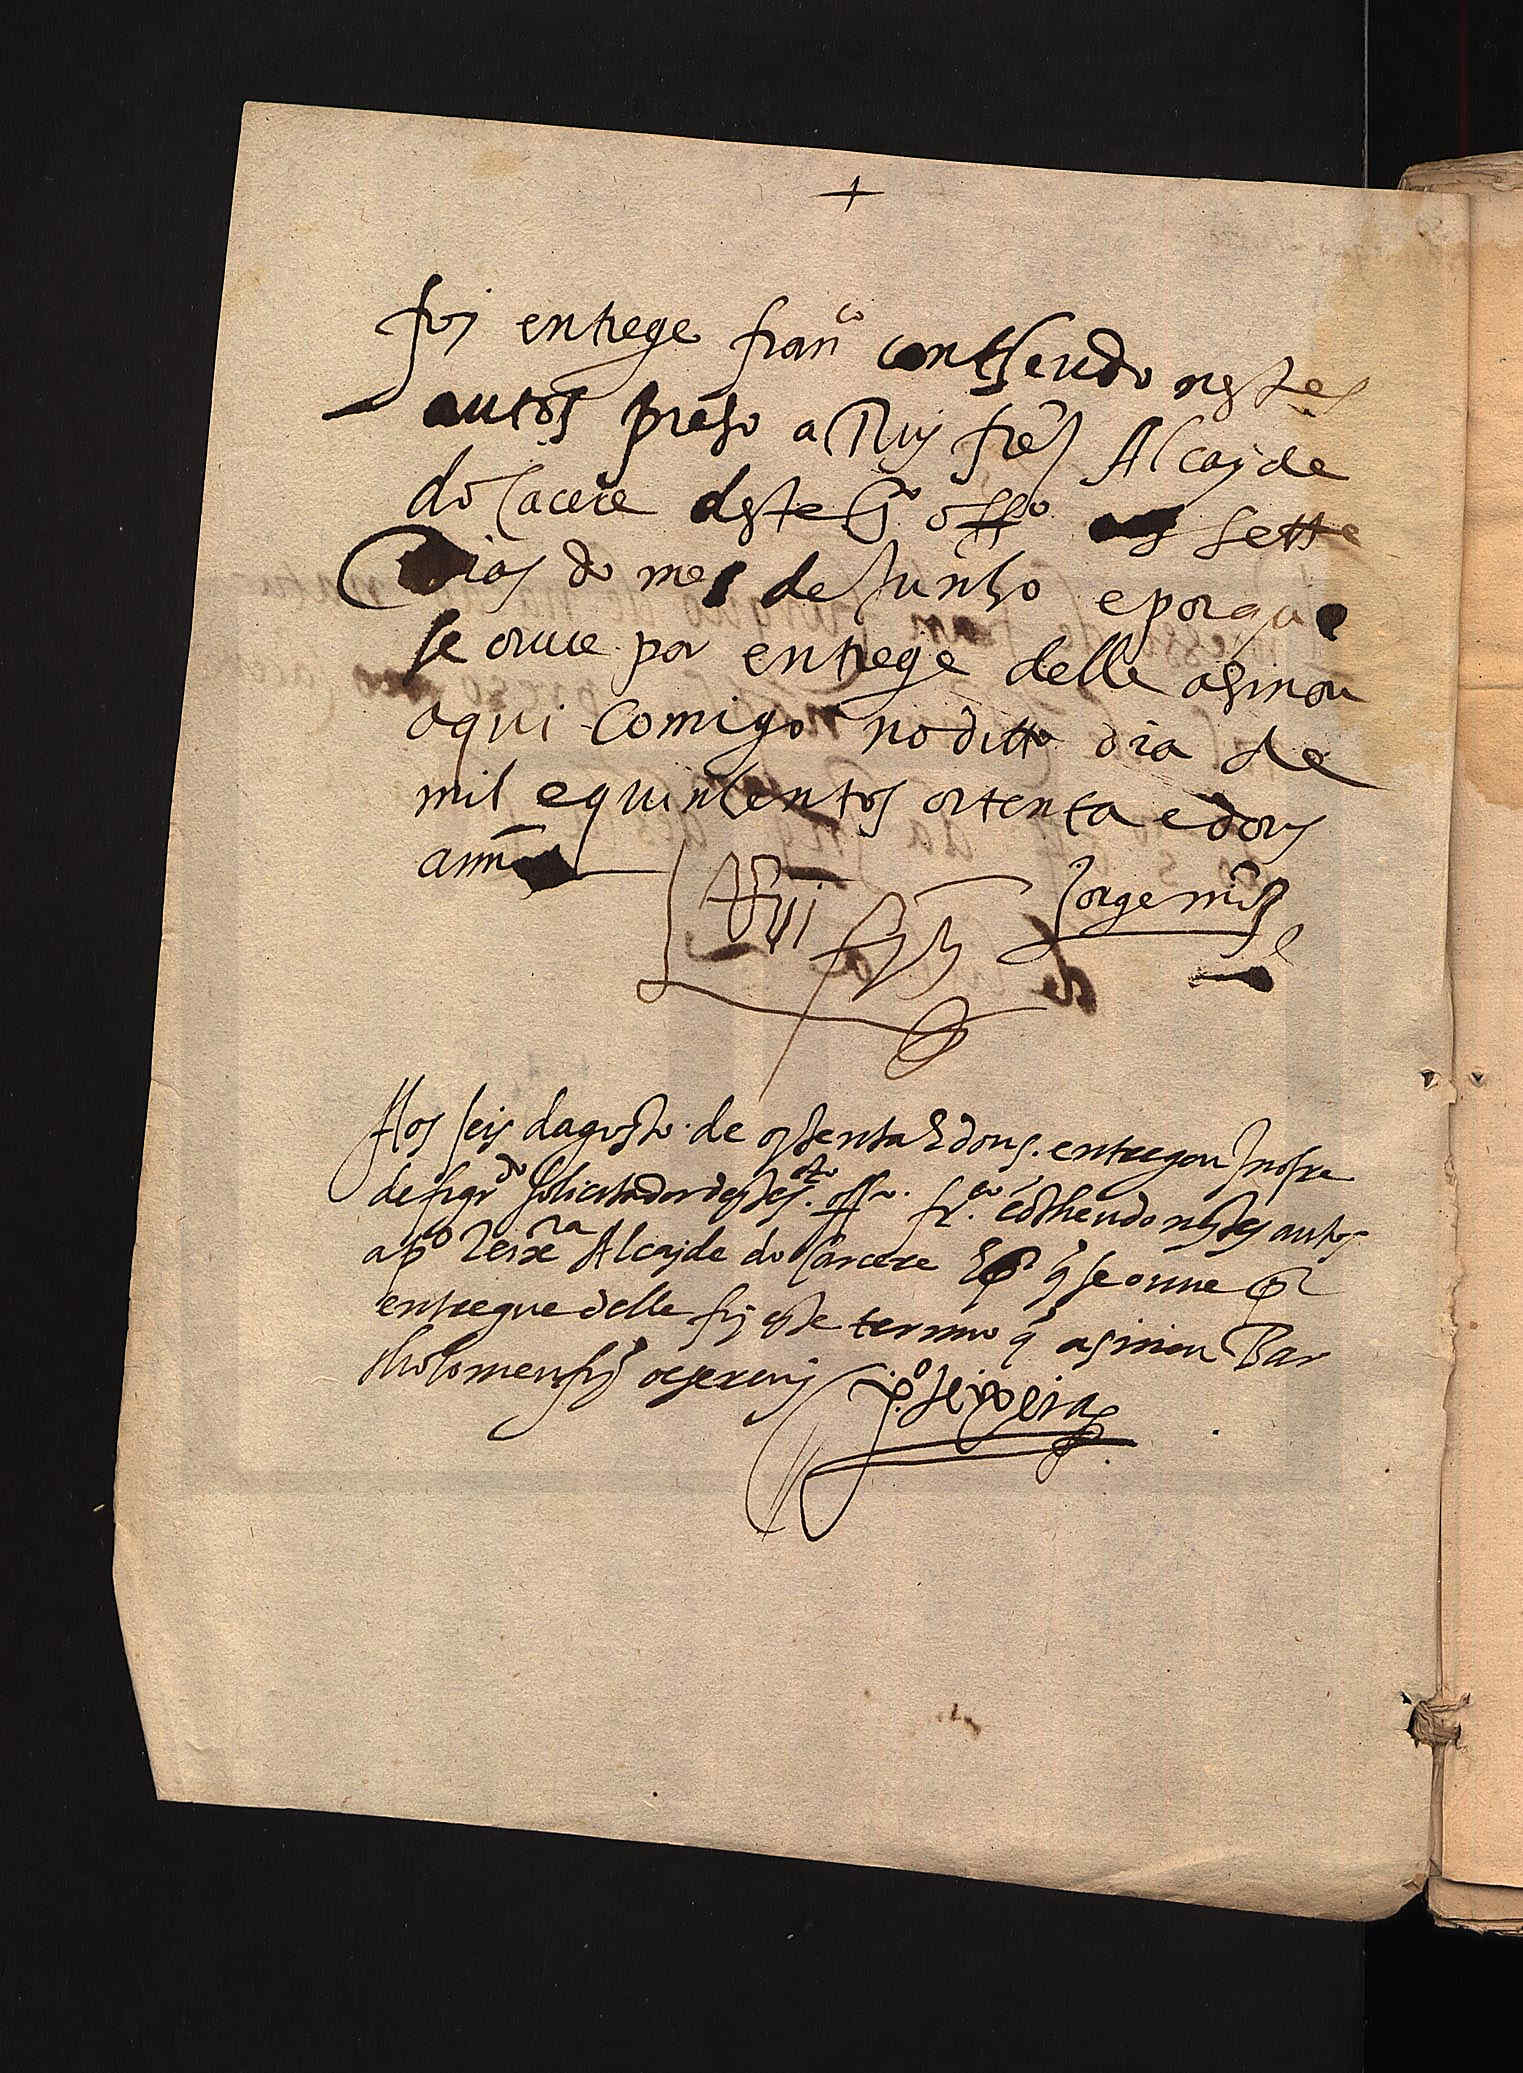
foj entrege franco contheudo nestes
autos preso a Ruj frēz Alcayde
do Cacere deste sto offo aos sette
dias do mes de Junho e porque
se ouue por entrege delle asinou
aqui comigo no ditto dia de
mil e quinhentos oitenta e dous
annos
Jorge mīz
Rui frz̄
Aos seis dagosto de ojtenta E dous. entregou Jnofre
de figrdo solicitador deste s.to offo. fr.co cōtheudo nestes autos
a po teixra Alcajde do Carcere E p̄q̄ se ouue p̄r
entregue delle diz este termo q̄ asinou Bar
tholomeu frz̄ o escreuj
po teixeira
